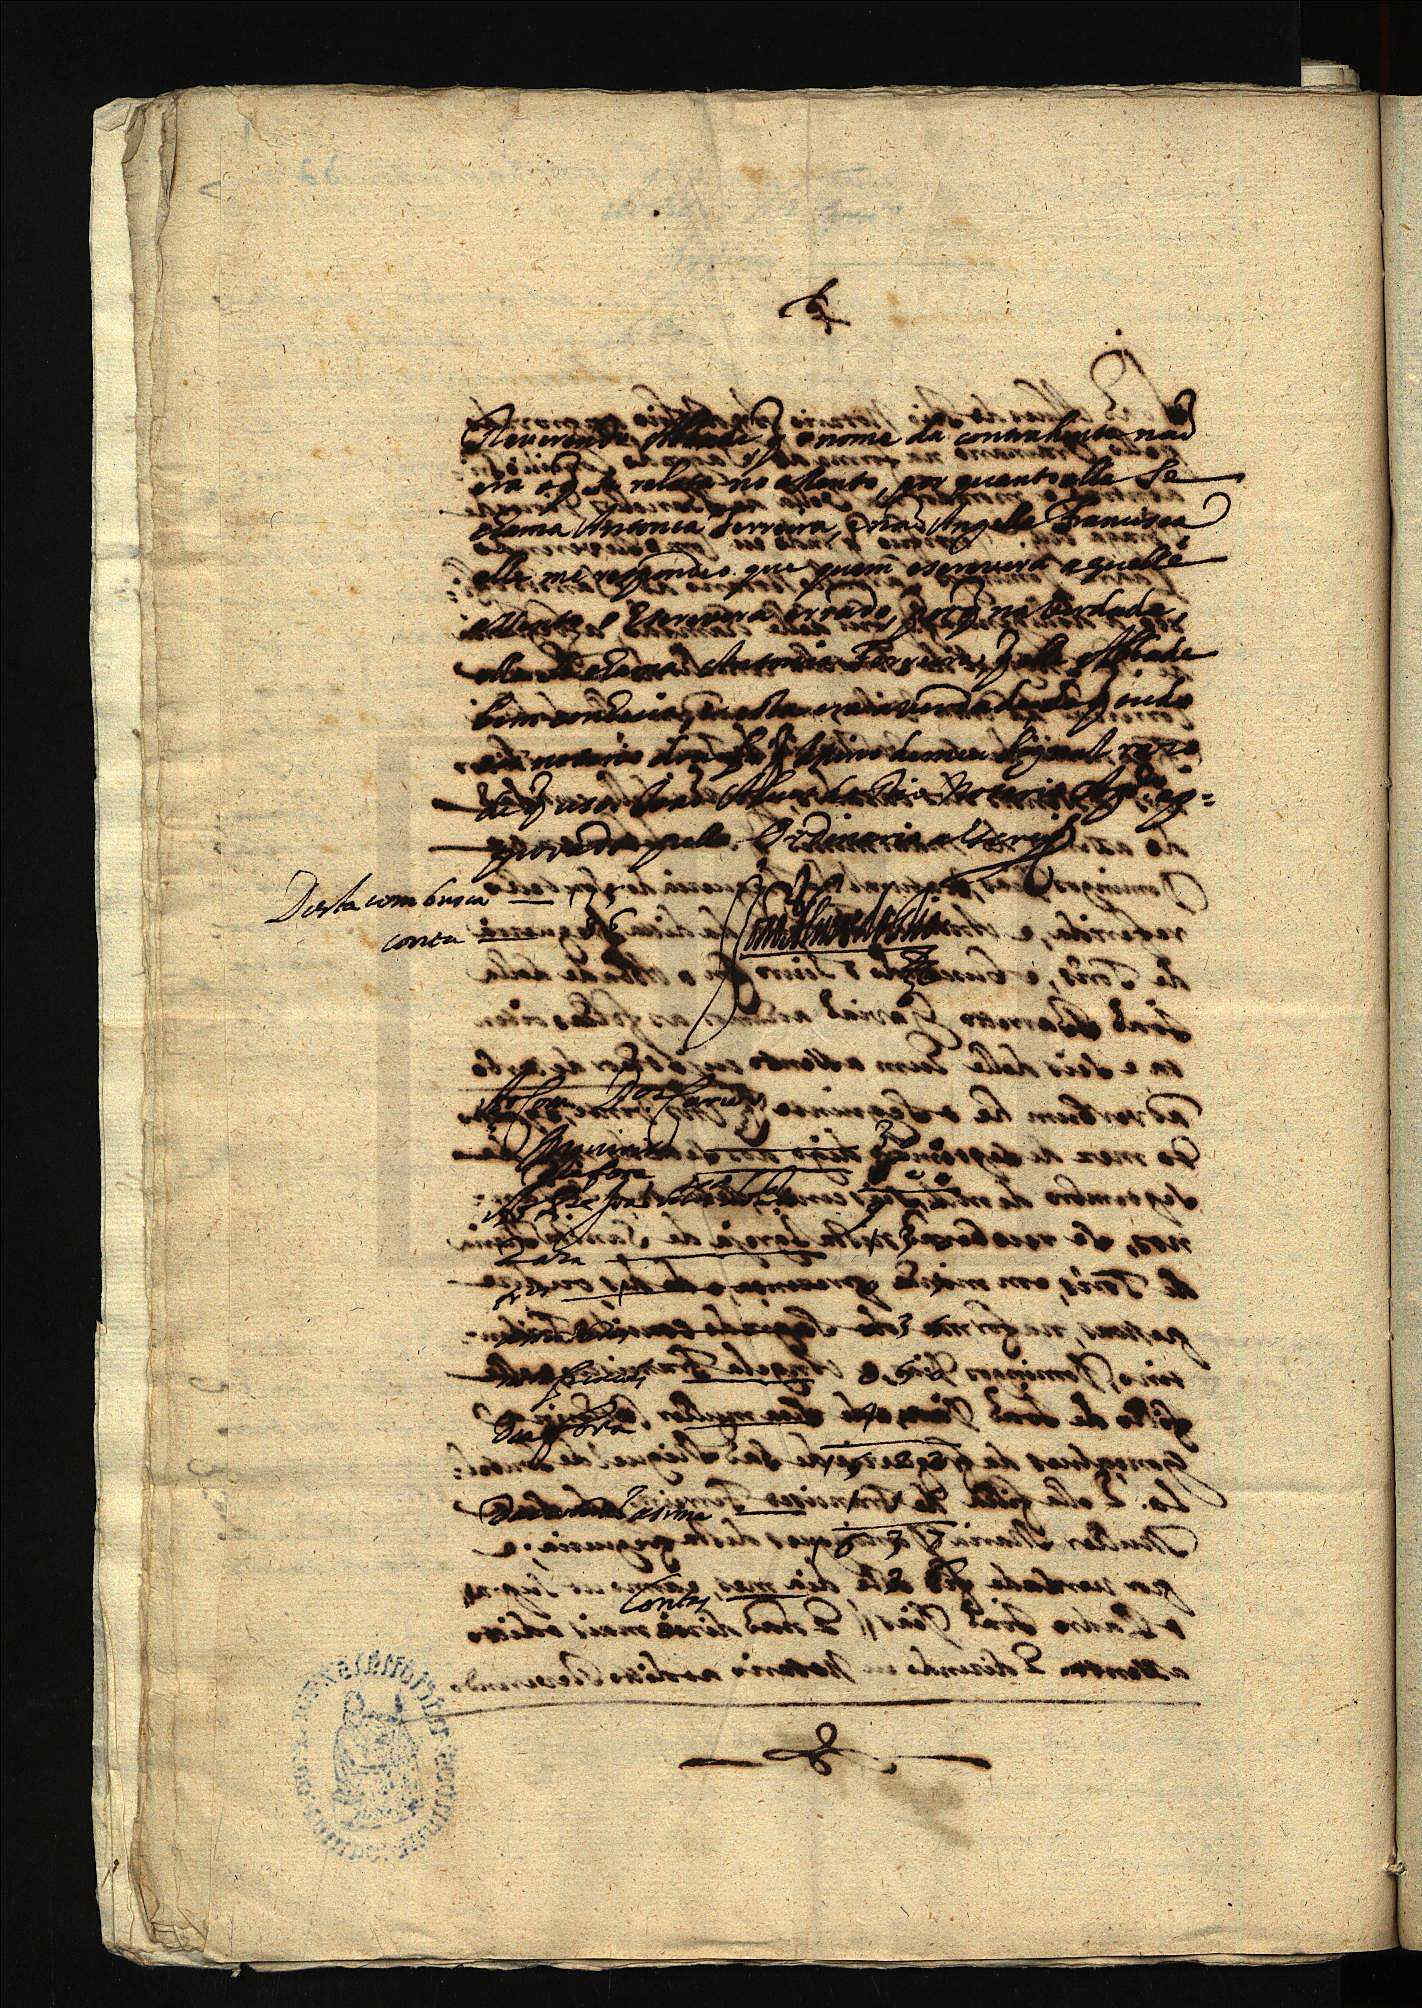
Reverendo Abbade, q̄ o nome da contrahente naõ
era o q̄ se relata no assento, porquanto ella se
chama Antonia Ferreira, e naõ Angela Francisca
elle me respondeo que quem escreuera aquelle
assento, o Escrevera errado, porq̄ na verdade
ella se chama Antonia Ferreira, q̄ elle Abbade
bem conhecia, e esta era a verdade de q̄ tudo
eu notario dou fe q̄ assim de meu signal razo
de q̄ uso Ioaõ Alues do Rio notario Ap.co ap
provado pello Ordinario o Escrej
Desta com busca - 175
Joaõ Alues do Rio
conta - 36
Ao Com Dos Caruo
Inquirir - 300
dia fora - 600
900
Ao Pe Joaõ Als̄ do Rio
130
Raza
0_7
tr.os
036
050
noteficaçoẽs
4_
Dia fora
1583
100
D_ _õ asima
1637
26
Contas
